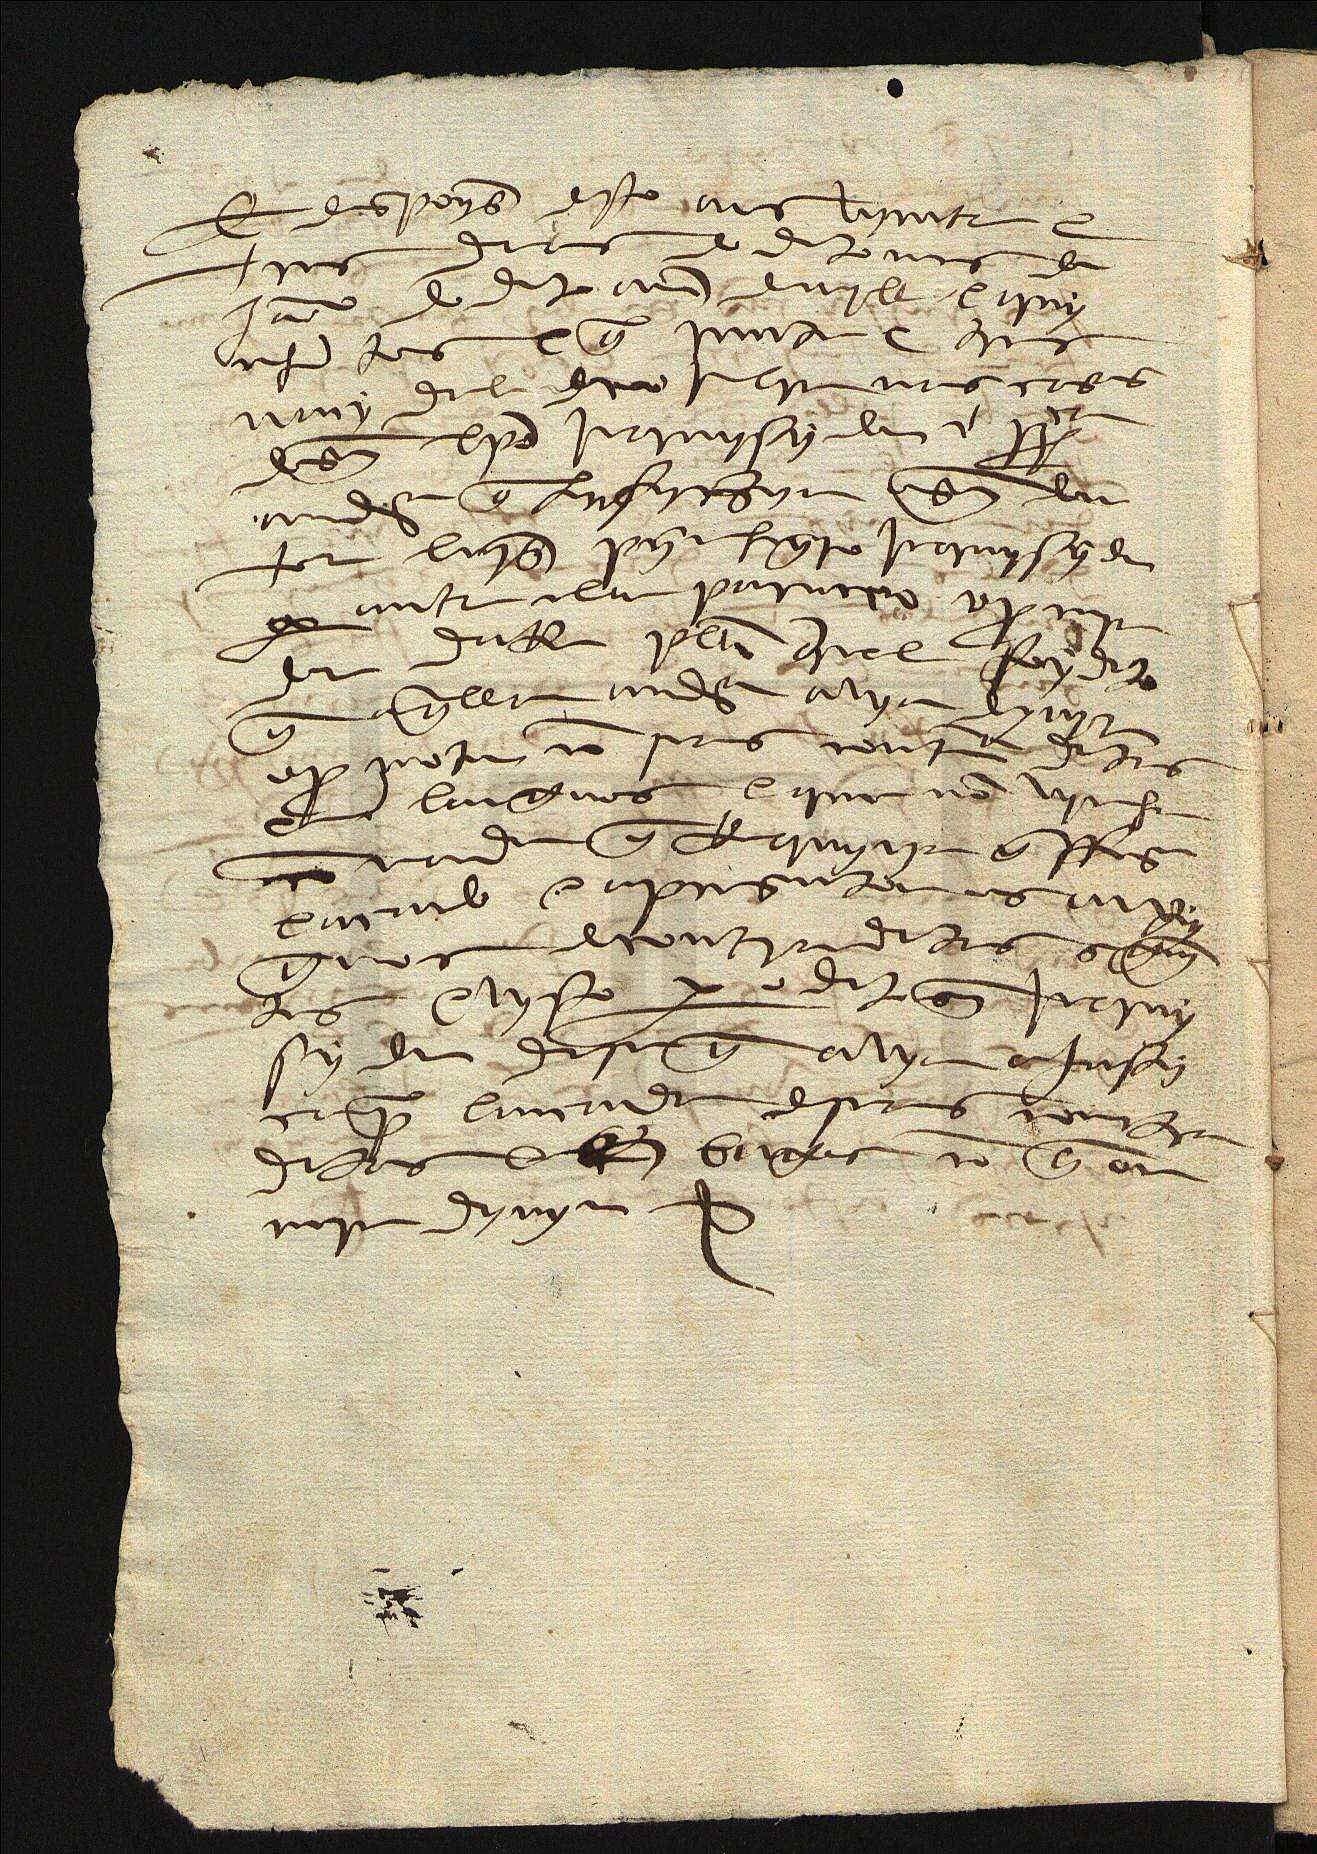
E despoys desto aos vymte e
tres dias do dito mes de
Janro do dito anō de mjll e quy
nhētos e q̄orenta e tres
na cydade de coJnbra nas casas
do s̄or bpō Jnquysydor ē ꝓpca
audja q̄ hy fyczya o s̄or dou
tor lujs pynheyro Jnquysydor
ꝑante elle pareceo o ꝓcura
dor da Re pl̄lo qual foy dito
q̄ aq̄lla audja avya dy ujr
o ꝓmotor c̄o suas contraditas
e ēbarguos e que nō vynha
c̄o nada q̄ Requyrja q̄ ffose
laçado e apresentou os arty
guos de contraditas segūj
tes e vysto ꝑ o dito s̄or Jnquy
sydor dise q̄ avya a Justy
ça p̄o lançada de suas comtra
ditas e Embarguos c̄o q̄ ou
uera dy uyr
